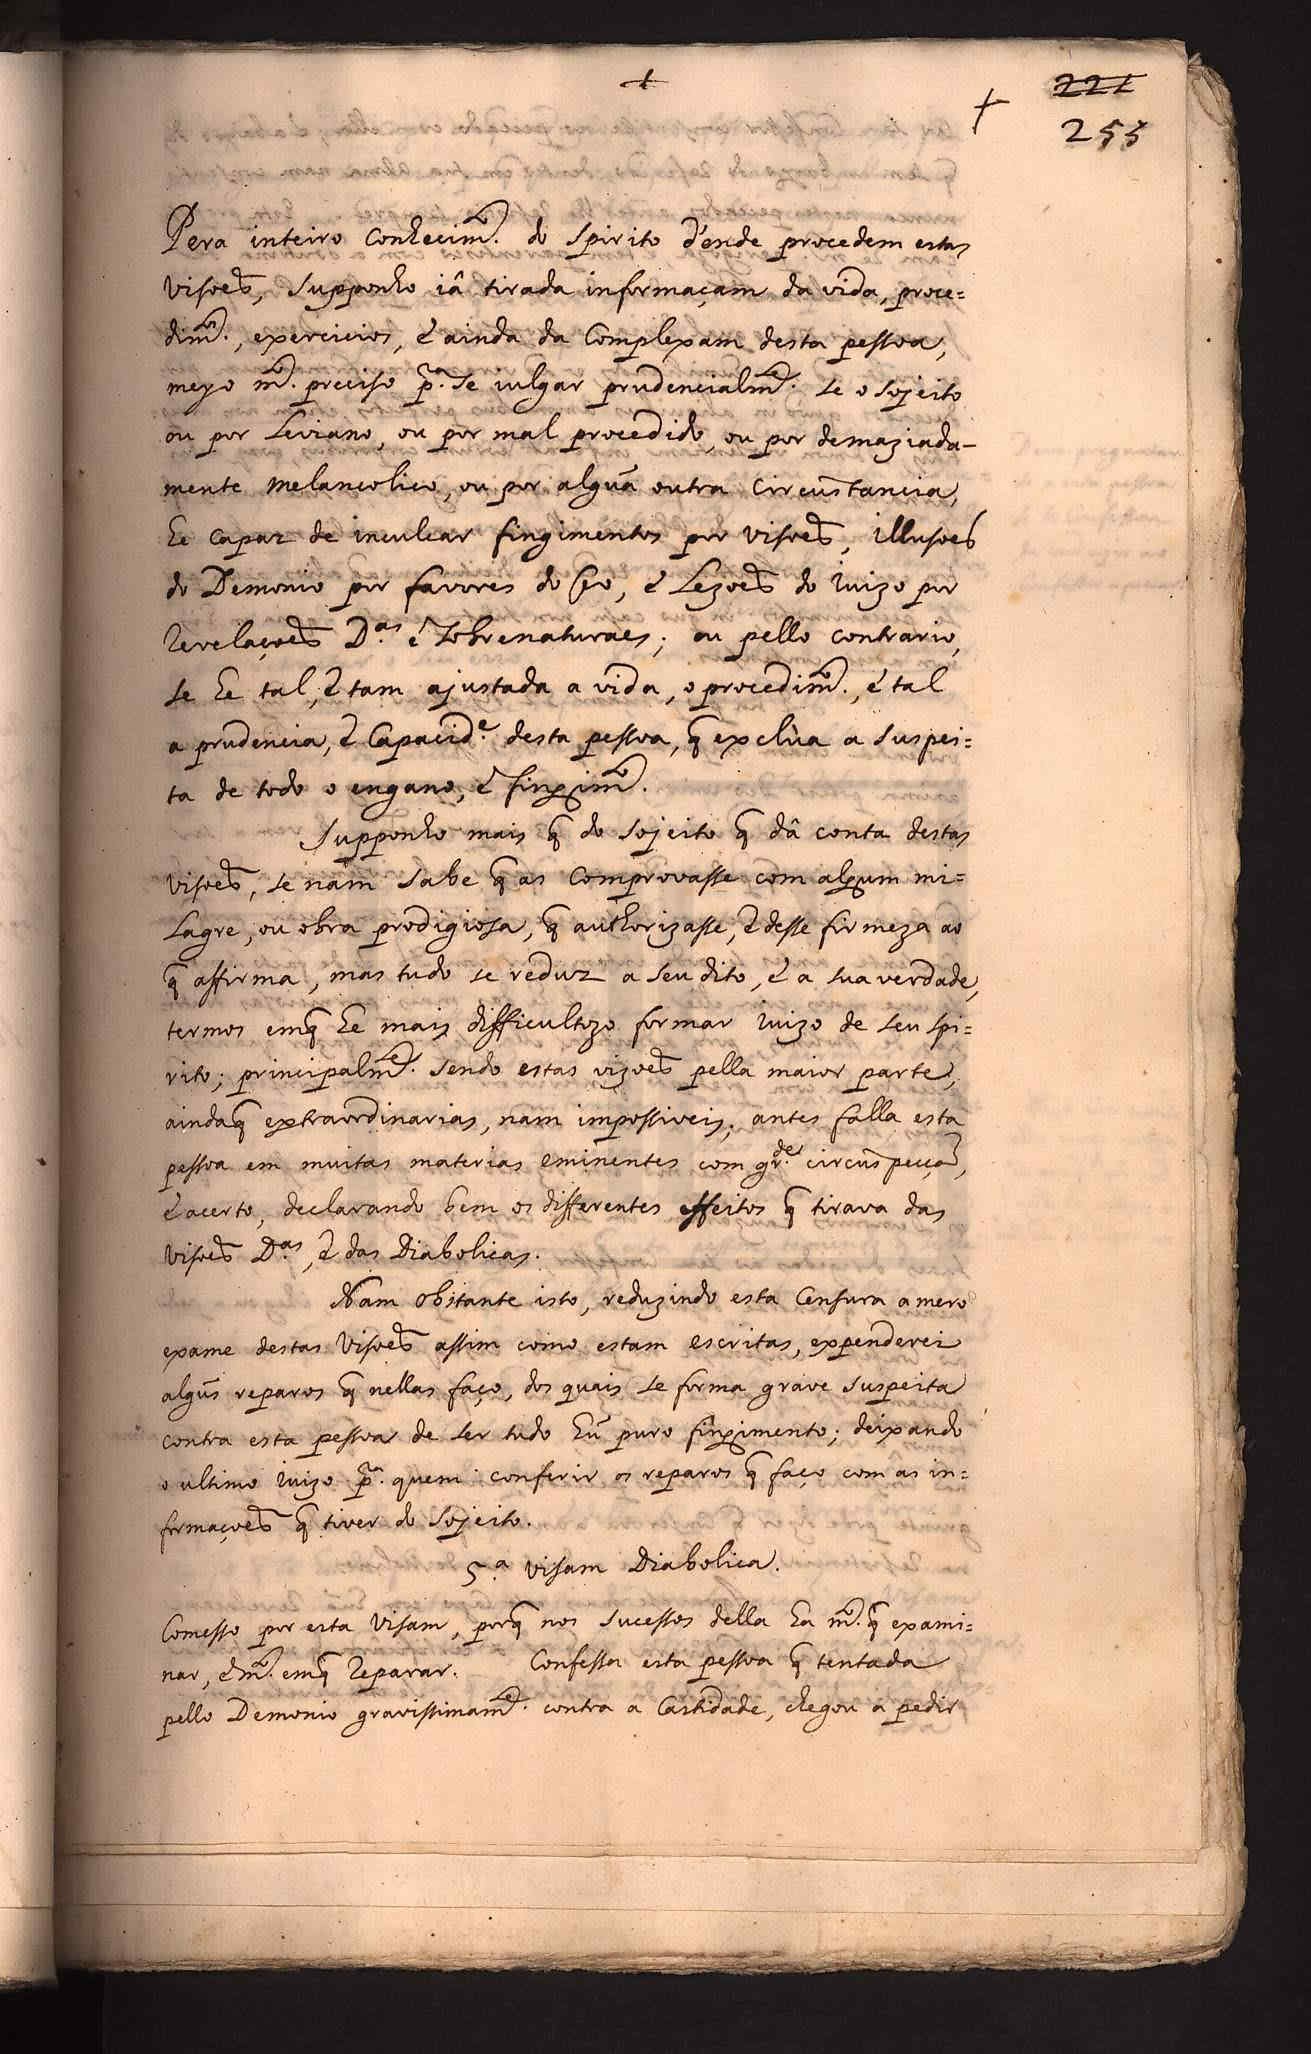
255
Pera inteiro conhecim.to do spirito d'onde procedem estas
visoẽs, supponho iá tirada informaçam da vida, proce
dimto., exercicios, e ainda da Complexam desta pessoa,
meyo mto. preciso p.ra se iulgar prudencialmte se o sojeito
ou por Leviano, ou por mal procedido, ou por demaziada
mente melancolico, ou por alguā outra circūstancia,
he capaz de inculcar fingimentos por visoẽs, illusoẽs
do Demonio por favores do Ceo, e Lezoẽs do iuizo por
Revelaçoẽs D.as e sobrenaturaes; ou pello contrario,
se he tal, e tam ajustada a vida, o procedimto, e tal
a prudencia, e Capacid.e desta pessoa, q̄ exclua a suspei
ta de todo o engano, e fingimto.
Supponho mais q̄ do sojeito q̄ dâ conta destas
visoẽs, se nam sabe q̄ as comprovasse com algum mi
Lagre, ou obra prodigiosa, q̄ authorizasse, e desse firmeza ao
q̄ affirma, mas tudo se reduz a seu dito, e a sua verdade,
termos em q̄ he mais difficultozo formar iuizo de seu spi
rito, principalmte sendo estas vizoẽs pella maior parte,
ainda q̄ extraordinarias, nam impossiveis, antes falla esta
pessoa em muitas materias eminentes com gr.de circūspecçaõ,
e acerto, declarando bem os differentes effeitos q̄ tirava das
visoẽs D.as, e das Diabolicas.
Nam obstante isto, reduzindo esta Censura a mero
exame destas Visoẽs assim como estam escritas, expenderei
algūs reparos q̄ nellas faço, dos quais se forma grave suspeita
contra esta pessoa de ser tudo hū puro fingimento; deixando
o ultimo iuizo p.ra quem conferir os reparos q̄ faço com as in
formaçoẽs q̄ tiver do sojeito.
5.a visam Diabolica.
Comesso por esta visam, porq̄ nos sucessos della ha mto q̄ exami
nar, e m.to em q̄ Reparar. Confessa esta pessoa q̄ tentada
pello Demonio gravissimam.te contra a Castidade, chegou a pedir
